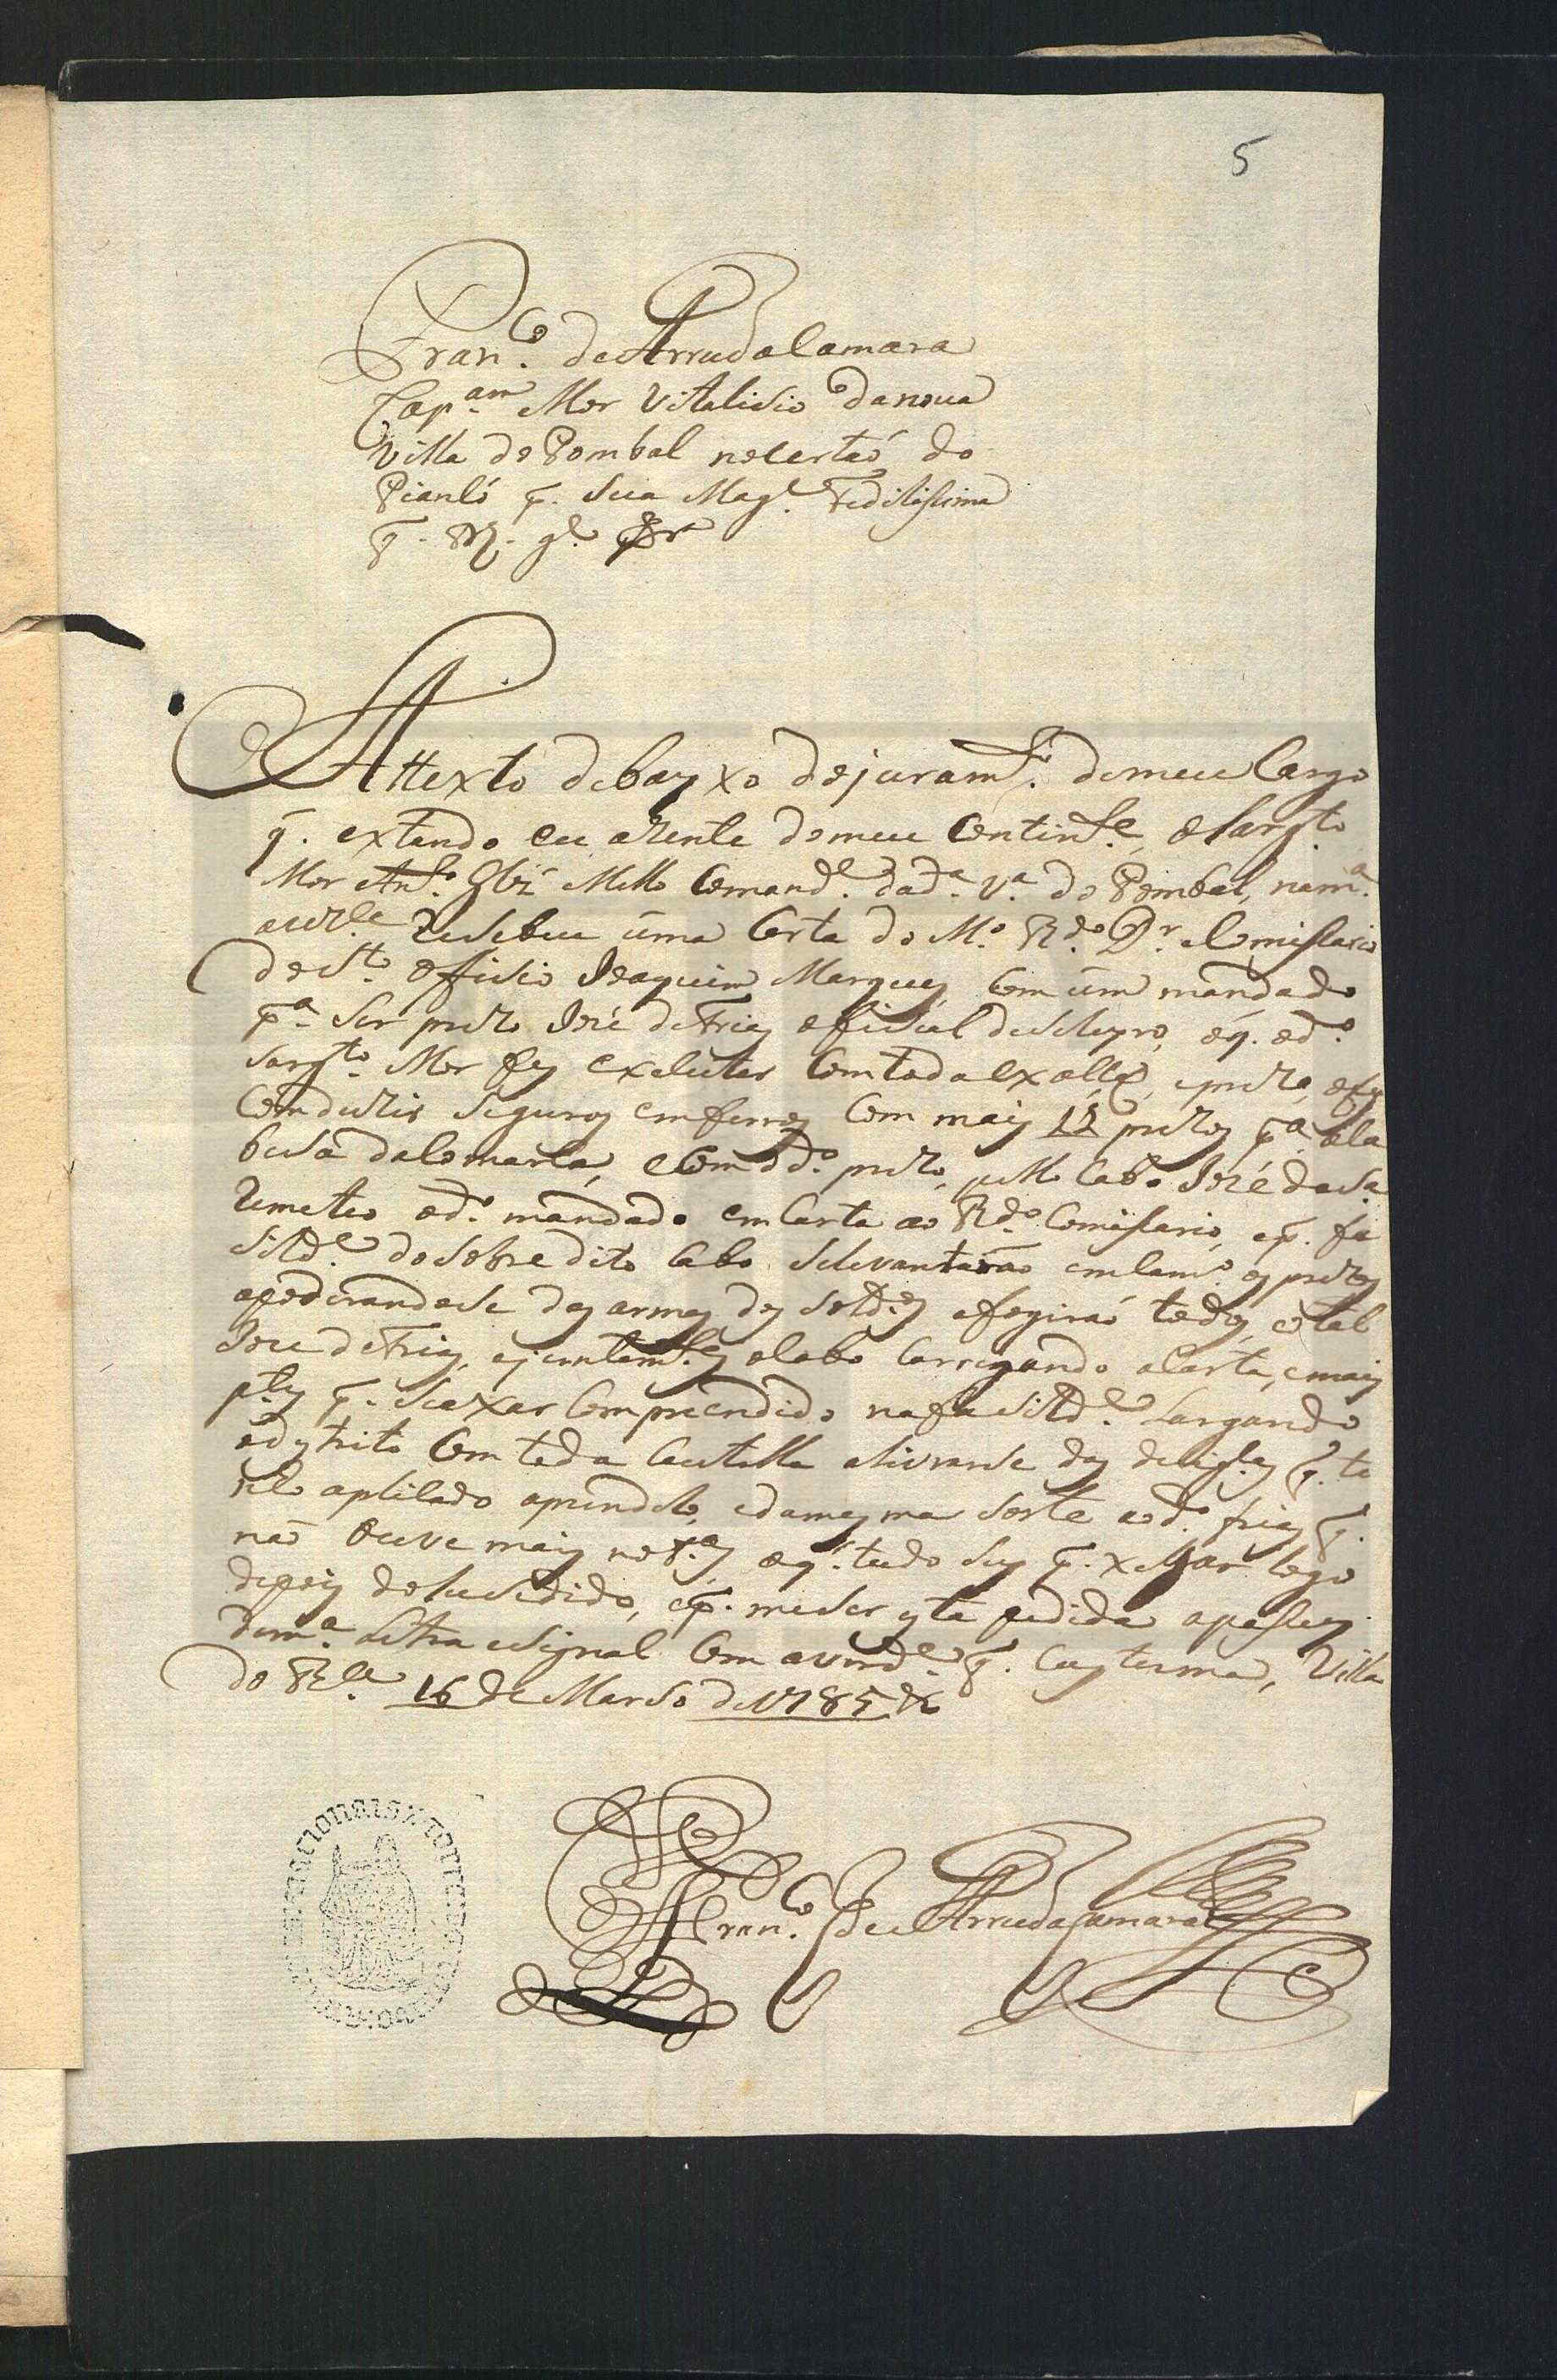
Fran.co de Arruda Camara
Cap.am Mor vitalisio da noua
villa do Pombal no certaõ do
PianCó p̄ sua Mag.e Fedelissima
q̄ Ds. g.e &ra
Attexto debayxo do juram.to de meu Cargo
q̄ extando eu aZente do meu contin.te o Sarg.to
Mor An.to Glz̄ Mello Comand.e da d̄.a v.a do Pombal, na m.a
auz.a Resebeu ūma Carta do M.o R.do D.r Comissario
do S.to offisio Ioaquim Marques, Com ūm mandado
p.a Ser preZo Iozé de Frias ofisial de seleyro, o q̄. o d.o
sarg.to Mor fes exeCutar Com toda exaCÇaõ, e preZo, o fes
ComduZir seguros em ferros Com mais 11 preZos p.a a Ca
besa da ComarCa, e Com o d̄.o preZo, pello Cabo Iozé da S.a
Remeteo o d.o mandado em Carta ao R.do Comissario, e p̄ fa
sild.e do sobredito Cabo se levantarão em Cam.o os preZos
apoderandose das armas dos sold.os e fogiraõ todos, e o tal
Ioze de Frias, e jumtam.tes o Cabo Carregando a Carta, e mais
p.tes p̄ se axar Compreendido na fasild.e Largando
o destrito Com toda Cautella a livrarse das delig.cas q̄ te
nho apliCado a prendelo, e da mesma sorte ao d.o frias q̄
naõ ouve mais not.as o q̄ tudo sey p̄ xegar logo
depois do susedido, e p̄. me ser esta pedida a passey
de m.a Letra e Signal Com a verd.e q̄. Custuma, Villa
do R.ce 16 de Marso de 1785 &
Fra.co de Arruda Camara
